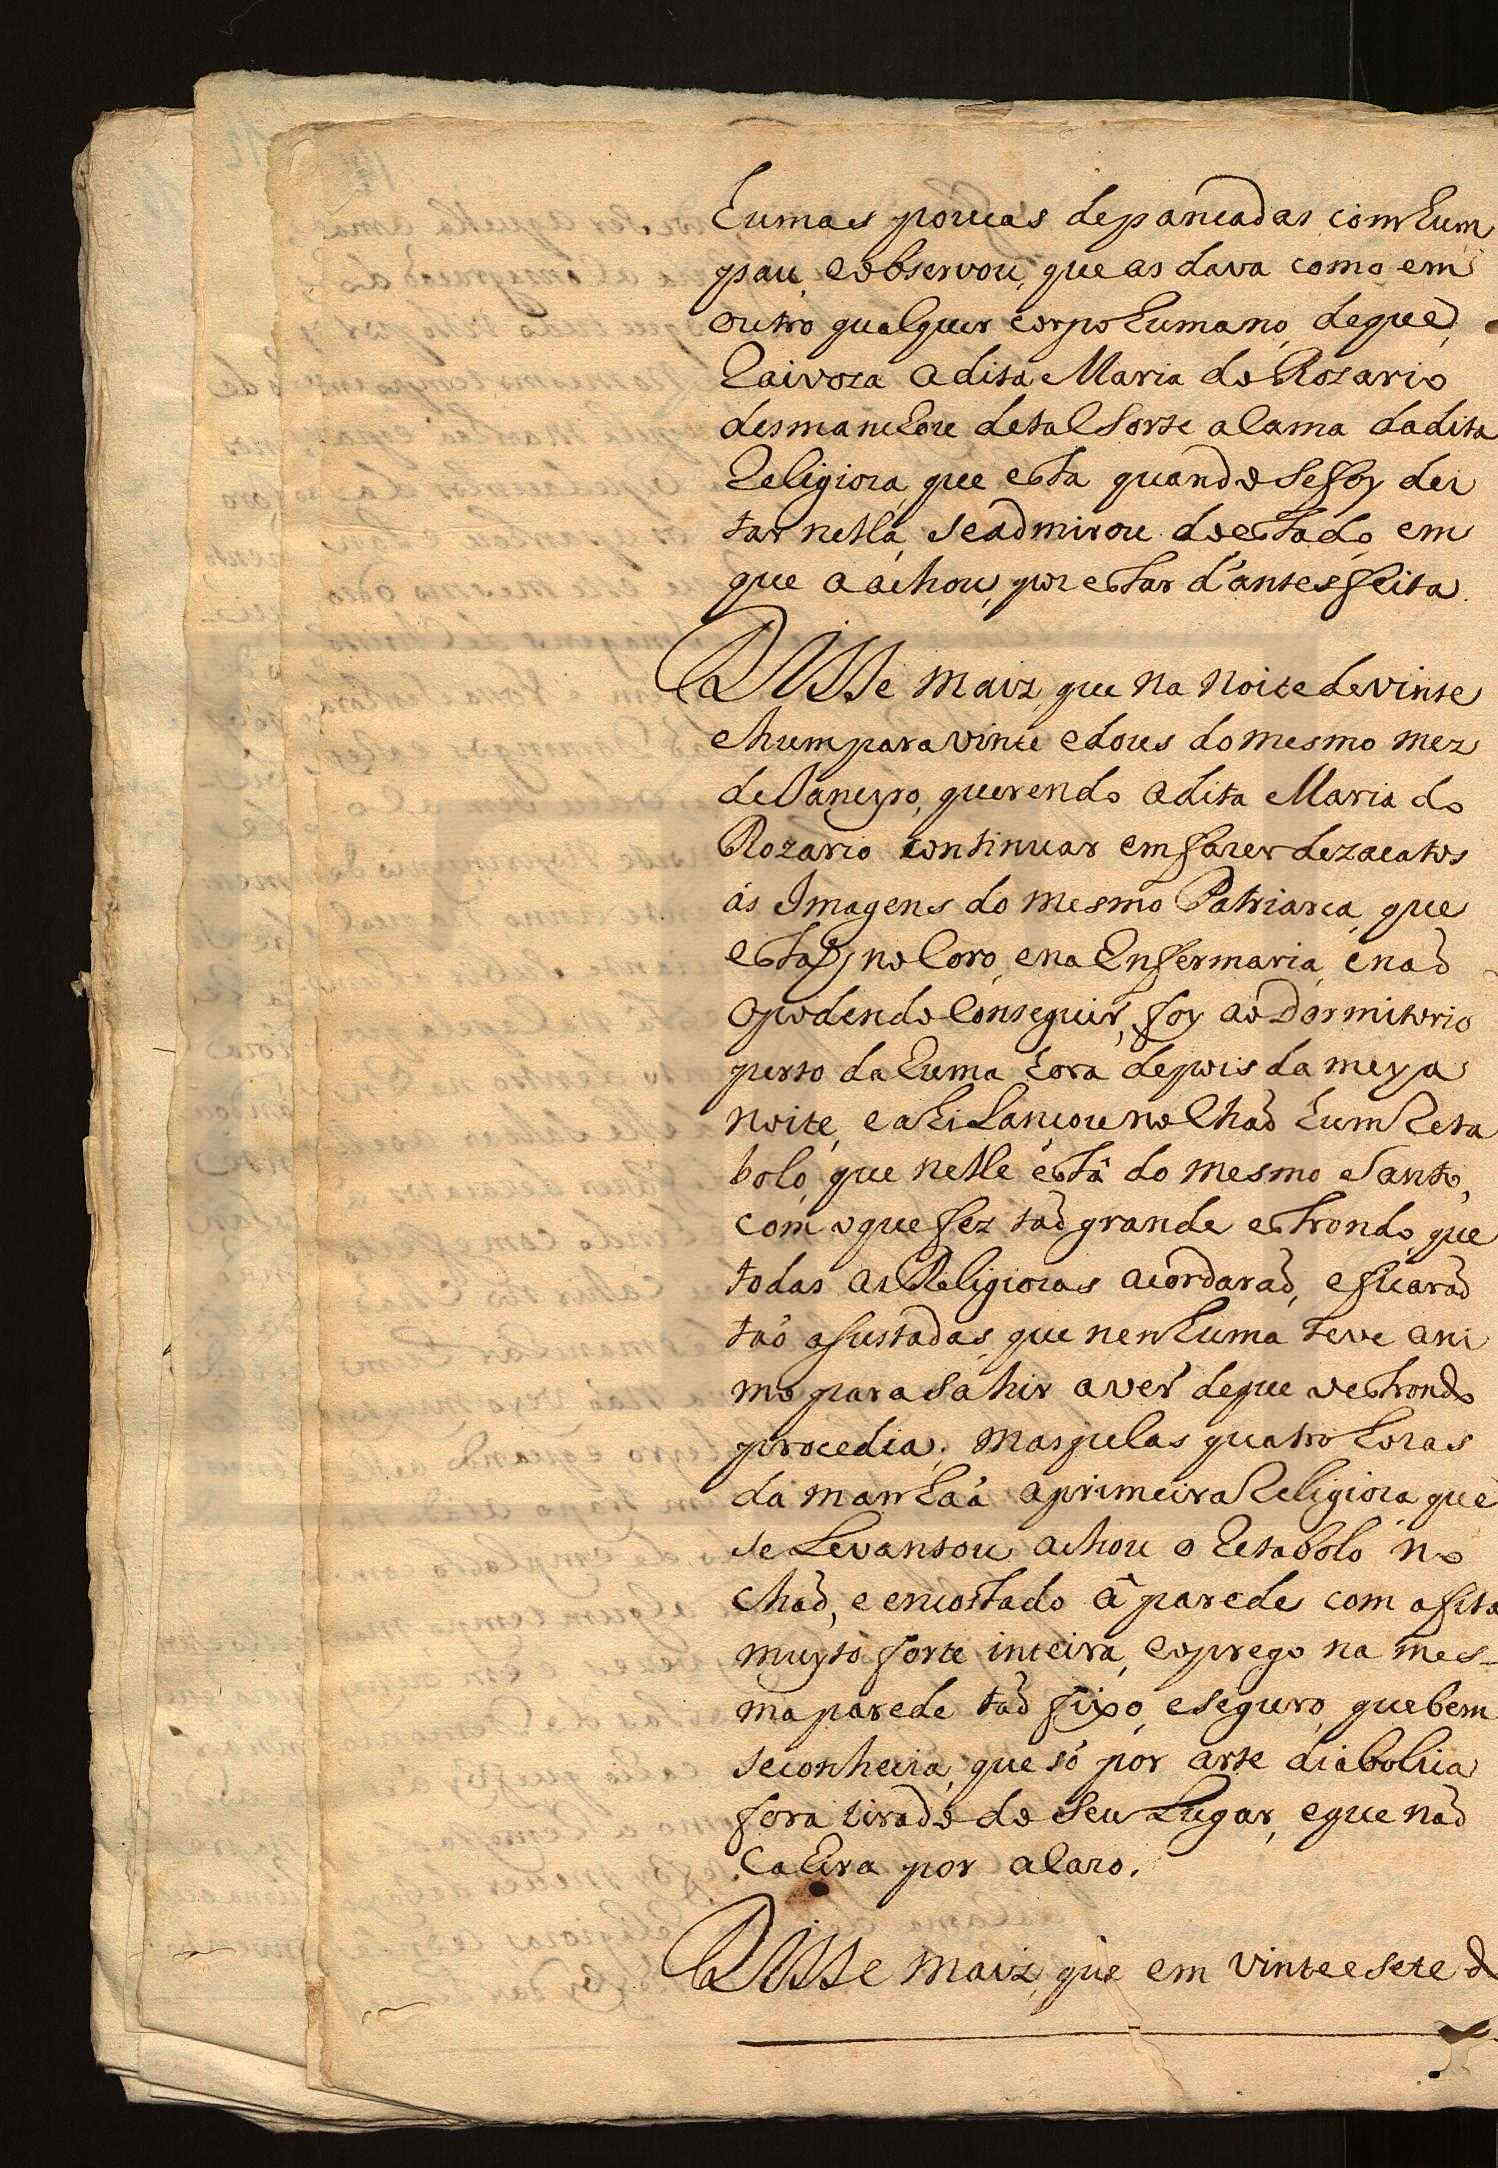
humas poucas de pancadas com hum
pau, e observou, que as dava como em
outro qualquer corpo humano, de que,
Raivoza a dita Maria do Rozario
desmanchou de tal sorte a Cama da dita
Religioza, que esta quando Se foy dei
tar nella, se admirou do estado, em
que a achou, por estar d'antes feita.
Disse mais, que na noite de vinte
e hum para vinte e dous do mesmo mez
de Ianeyro, querendo a dita Maria do
Rozario continuar em fazer dezacatos
ás Imagens do mesmo Patriarca, que
estaõ no Coro, e na Enfermaria, e naõ
o podendo conseguir, foy ao Dormitorio
perto da huma hora depois da meya
noite, e ahi Lançou no Chaõ hum Reta
bolo, que nelle está do mesmo Santo,
com o que fez taõ grande estrondo, que
todas as Religiozas acordaraõ, e ficaraõ
taõ asustadas, que nenhuma teve ani
mo para sahir a ver de que o estrondo
procedia; mas pelas quatro horas
da manhaã a primeira Religioza, que
se Levantou achou o Retabolo no
chaõ, e encostado â parede com a fita
muyto forte inteira, e o prego na mes
ma parede taõ fixo, e seguro, que bem
se conhecia, que só por arte diabolica
fora tirado do seu Lugar, e que naõ
cahira por aCazo.
Disse maiz, que em vinte e sete d
